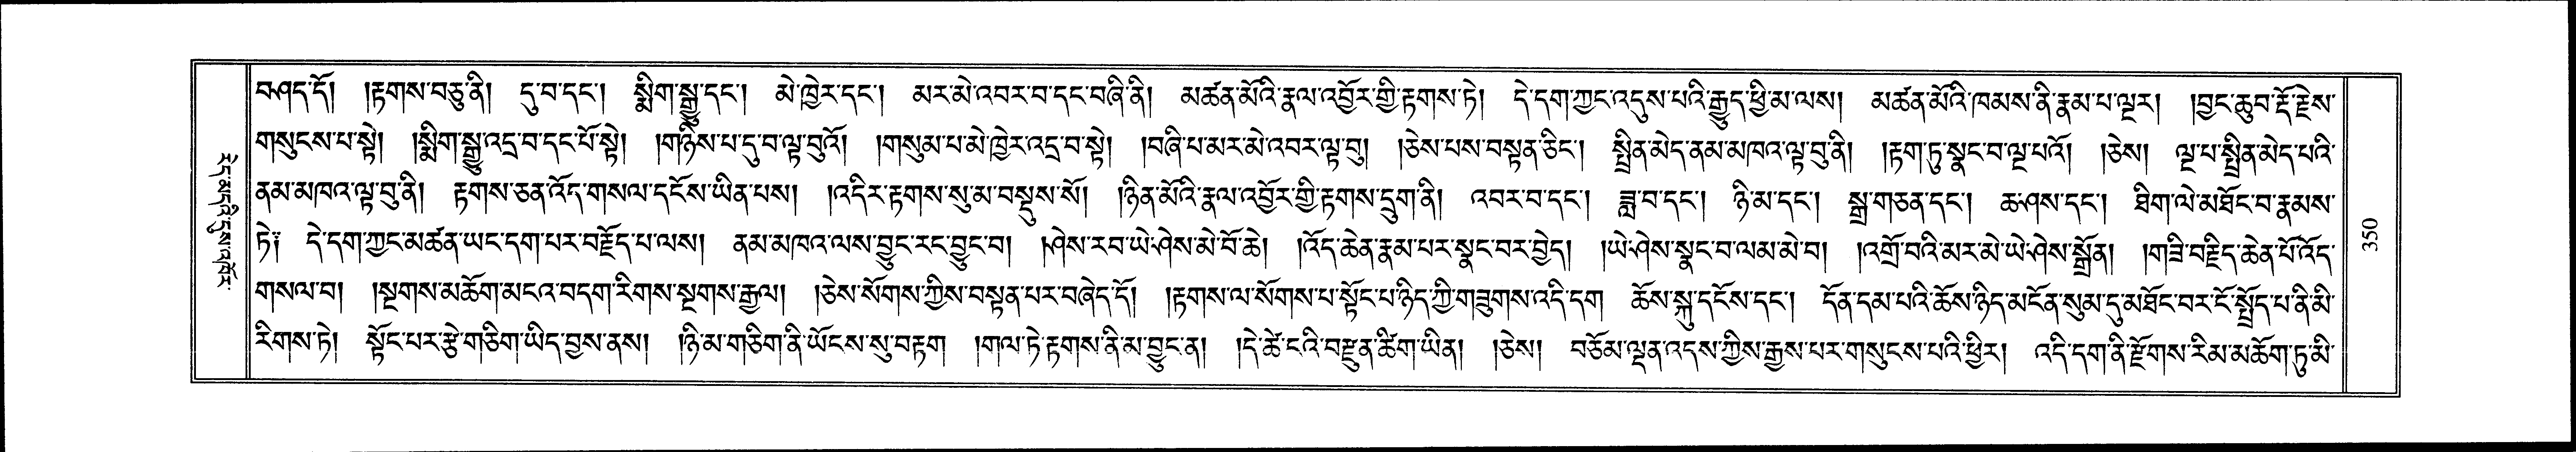བཤད་དོ། །རྟགས་བཅུ་ནི། དུ་བ་དང་། སྨིག་སྒྱུ་དང་། མེ་ཁྱེར་དང་། མར་མེ་འབར་བ་དང་བཞི་ནི། མཚན་མོའི་རྣལ་འབྱོར་གྱི་རྟགས་ཏེ། དེ་དག་ཀྱང་འདུས་པའི་རྒྱུད་ཕྱི་མ་ལས། མཚན་མོའི་ཁམས་ནི་རྣམ་པ་ལྔར། །བྱང་ཆུབ་རྡོ་རྗེས་
གསུངས་པ་སྟེ། །སྨིག་སྒྱུ་འདྲ་བ་དང་པོ་སྟེ། །གཉིས་པ་དུ་བ་ལྟ་བུའོ། །གསུམ་པ་མེ་ཁྱེར་འདྲ་བ་སྟེ། །བཞི་པ་མར་མེ་འབར་ལྟ་བུ། །ཅེས་པས་བསྟན་ཅིང་། སྤྲིན་མེད་ནམ་མཁའ་ལྟ་བུ་ནི། །རྟག་ཏུ་སྣང་བ་ལྔ་པའོ། །ཅེས། ལྔ་པ་སྤྲིན་མེད་པའི་
ནམ་མཁའ་ལྟ་བུ་ནི། རྟགས་ཅན་འོད་གསལ་དངོས་ཡིན་པས། །འདིར་རྟགས་སུ་མ་བསྡུས་སོ། །ཉིན་མོའི་རྣལ་འབྱོར་གྱི་རྟགས་དྲུག་ནི། འབར་བ་དང་། ཟླ་བ་དང་། ཉི་མ་དང་། སྒྲ་གཅན་དང་། ཆ་ཤས་དང་། ཐིག་ལེ་མཐོང་བ་རྣམས་
ཏེ། དེ་དག་ཀྱང་མཚན་ཡང་དག་པར་བརྗོད་པ་ལས། ནམ་མཁའ་ལས་བྱུང་རང་བྱུང་བ། །ཤེས་རབ་ཡེ་ཤེས་མེ་བོ་ཆེ། །འོད་ཆེན་རྣམ་པར་སྣང་བར་བྱེད། །ཡེ་ཤེས་སྣང་བ་ལམ་མེ་བ། །འགྲོ་བའི་མར་མེ་ཡེ་ཤེས་སྒྲོན། །གཟི་བརྗིད་ཆེན་པོ་འོད་
གསལ་བ། །སྔགས་མཆོག་མངའ་བདག་རིགས་སྔགས་རྒྱལ། །ཅེས་སོགས་ཀྱིས་བསྟན་པར་བཞེད་དོ། །རྟགས་ལ་སོགས་པ་སྟོང་པ་ཉིད་ཀྱི་གཟུགས་འདི་དག་ཆོས་སྐུ་དངོས་དང་། དོན་དམ་པའི་ཆོས་ཉིད་མངོན་སུམ་དུ་མཐོང་བར་ངོ་སྤྲོད་པ་ནི་མི་
རིགས་ཏེ། སྟོང་པར་རྩེ་གཅིག་ཡིད་བྱས་ནས། །ཉི་མ་གཅིག་ནི་ཡོངས་སུ་བརྟག །གལ་ཏེ་རྟགས་ནི་མ་བྱུང་ན། །དེ་ཚེ་ངའི་བརྫུན་ཚིག་ཡིན། །ཅེས། བཅོམ་ལྡན་འདས་ཀྱིས་རྒྱས་པར་གསུངས་པའི་ཕྱིར། འདི་དག་ནི་རྫོགས་རིམ་མཆོག་ཏུ་མི་